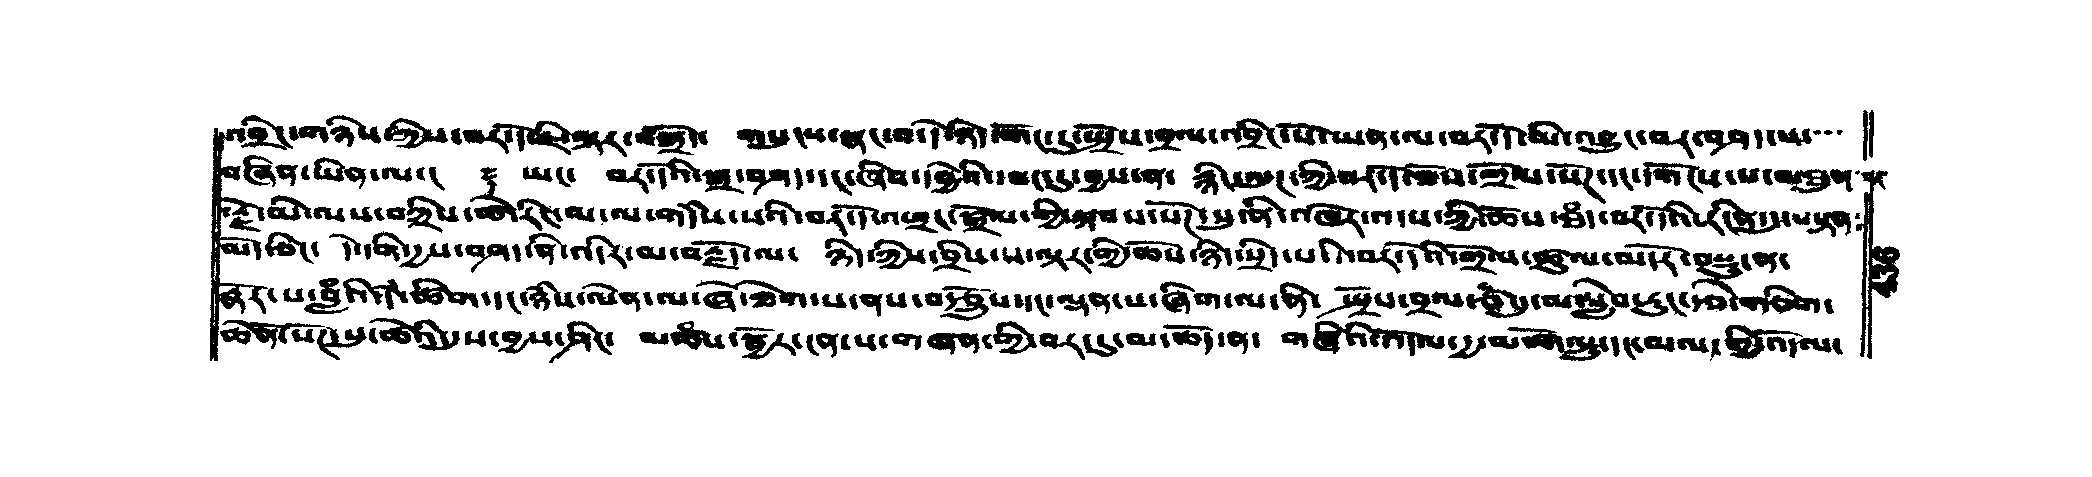འབྲིང་གཉིས་ཀྱིས་བར་དོ་ཇི་ལྟར་བསྒྲོད། གསུངས་སྣང་བ་དེ་ཉིད་གོང་དུ་སྤྲོས་བྲལ་འབྲིང་པོ་ཡན་ལ་བར་དོ་མི་འབྱུང་བར་བཤད་པ་
བཞིན་ཡིན་ལ། ༈ ཡང་བར་དོའི་སྒྲ་བཤད་དང་ཞིབ་དབྱེའི་དབང་དུ་བྱས་ན། རྙིང་ལུགས་ཀྱི་བར་དོ་ཐོས་གྲོལ་སོགས་དང་དགོངས་པ་མཐུན། 
རྗེ་མི་ལས་བཀྲ་བཤིས་ཚེ་རིང་མ་ལ་གདམས་པའི་བར་དོ་འཕྲང་གྲོལ་གྱི་སྐབས་སོགས་སུ་ནི་འཁོར་འདས་ཀྱི་ཆོས་ཐམས་ཅད་བར་དོའི་རང་བཞིན་དུ་བསྟན་
མོད་ཅིང་། དེ་དག་གི་རྒྱས་བཤད་ནི་འདིར་མ་བརྗོད་ལ། ཉིད་ཀྱི་བྲིས་པ་ལྟར་གྱི་ཆོས་ཉིད་སྲིད་པའི་བར་དོའི་གྲོལ་ཚུལ་མདོར་བསྡུ་ན་
རྣམ་འབྱོར་པ་བླ་མའི་དམ་ཚིག་དང་ཉམས་ལེན་ལ་ཞེ་ཐག་པ་ནས་བརྩོན་འགྲུས་དང་ལྡན་པ་ཞིག་ལ་ནི། སྤྲོས་བྲལ་ཙམ་དུ་མ་སླེབས་རུང་རྩེ་གཅིག་
ཆེན་པོ་སོགས་སུ་ཚེའི་དུས་བྱས་ཤིང་། མཚམས་སྦྱོར་ངན་པ་གཞན་གྱི་བར་དུ་ཆོད་ན། གཞིའི་འོད་གསལ་རྒྱ་མཚོ་ལྟ་བུ་དང་མལ་གྱི་འོད་གསལ་